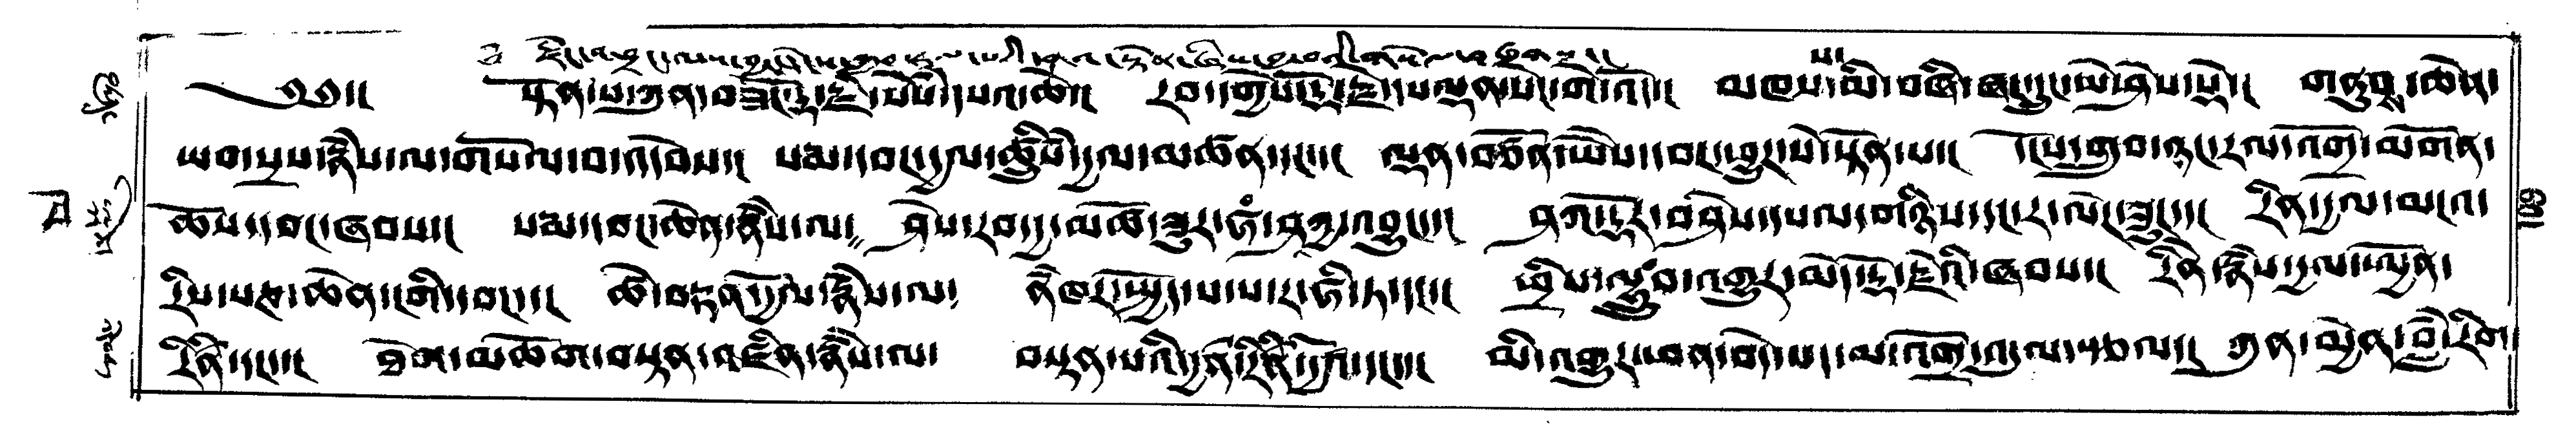རྫོང་འཕྲང་ལས་བྱང་དངོས་གྲུབ་རོལ་པའི་དགའ་སྟོན་ཞེས་བྱ་བའི་གསོལ་འདེབས་བཞུགས། སྟོན་པ་ཀུན་བཟང་རྡོ་རྗེ་སེམས་དཔའ་ཆེ། །རབ་དགྱེས་རྡོ་རྗེ་དཔལ་ལྡན་སེང་གེ་འོད། །མཁས་པ་མི་བཞི་ཞང་དྲུང་ཡེ་ཤེས་སྡེ། །གནུབས་ཆེན་
ཡབ་སྲས་རྣམས་ལ་གསོལ་བ་འདེབས། །པདྨ་དབང་རྒྱལ་ཚུལ་ཁྲིམས་རྒྱལ་མཚན་དང་། །ལྡན་བཙོན་ཡེ་ཤེས་དབང་ཕྱུག་སེ་སྟོན་པ། །དངོས་གྲུབ་ཉང་རལ་འགྲོ་མགོན་
ཆོས་དབང་ཞབས། །པདྨ་དབང་ཆེན་རྣམས་ལ༴ ཤེས་རབ་རྒྱ་མཚོ་ཟུར་ཧཾ་ཤཱཀྱ་འབྱུང་། །ཤཱཀ་རྡོར་བཤེས་དཔལ་གཉིས་དང་ར་ལེགས་ཟུང་། རིན་རྒྱལ་མངའ་
རིས་པཎ་ཆེན་ངག་གི་དབང་། །ཚེ་བསྟན་རྒྱལ་པོ་རྣམ་ལ༴ ནམ་མཁར་སྤྱོད་པ་པ་ར་ཧི་ཏ་དང་། །ཕྲིས་ལྷུན་གྲུབ་འགྱུར་མེད་རྡོ་རྗེའི་ཞབས། རིན་ཆེན་རྣམ་རྒྱལ་ཨོ་རྒྱན་
རིག་པ་འཛིན། །ཐེག་མཆོག་བསྟན་འཛིན་རྣམས་ལ༴ །བསྟན་པའི་རྒྱལ་མཚན་རིག་འཛིན་རྒྱལ་པོ་དང་། །མི་འགྱུར་ཕན་བདེ་པདྨ་འགྲོ་འདུལ་རྩལ། ཀུན་མཁྱེན་བླ་མ་རིག་པའི་རྡོ་རྗེ་དང་། པདྨ་བཛྲ་རྣམ་ལ༴